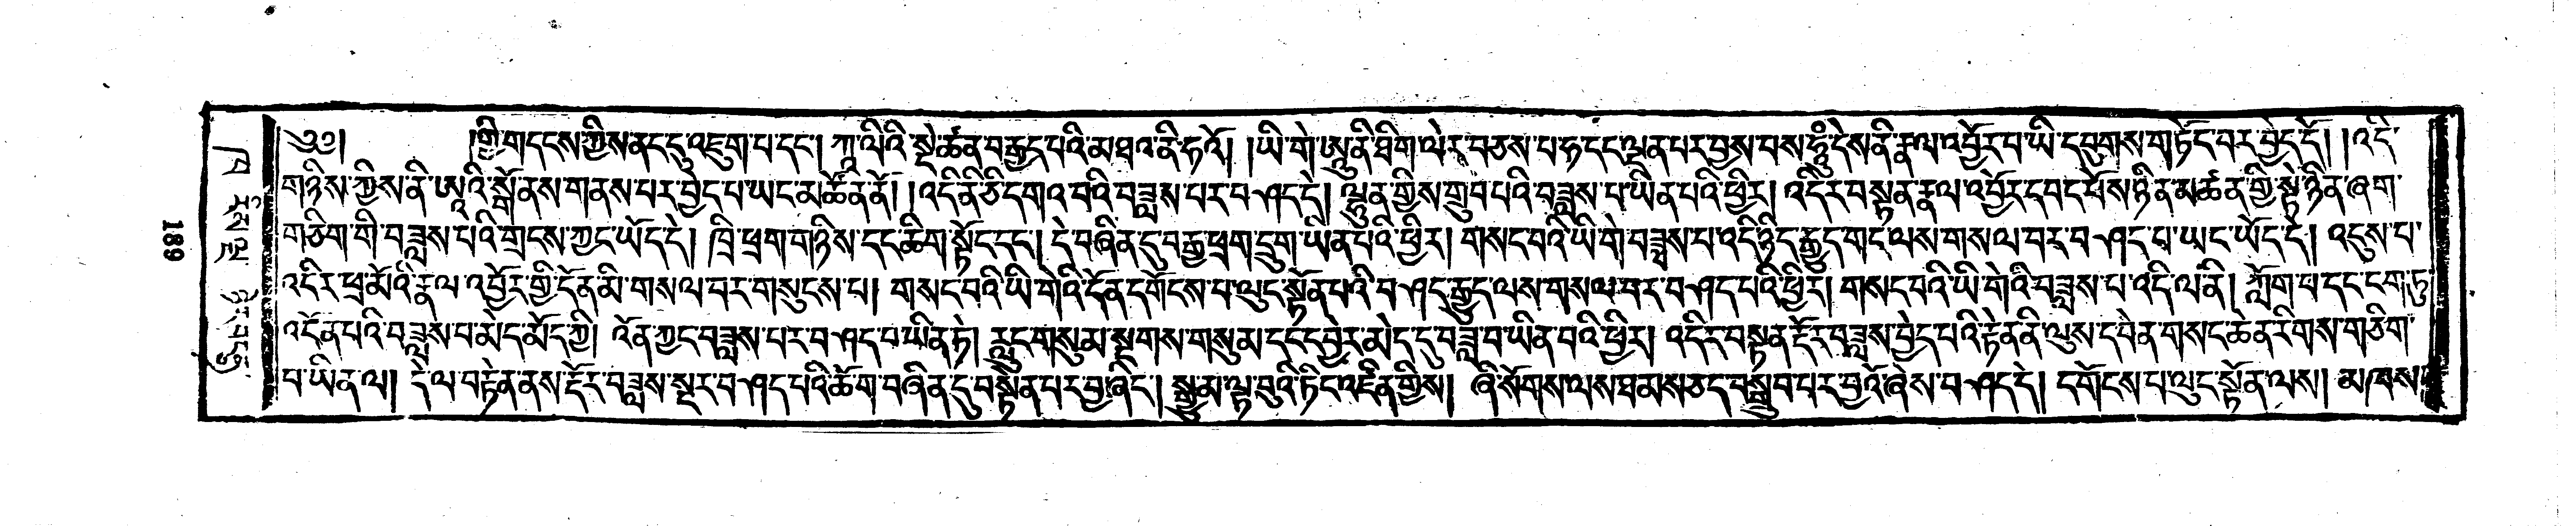༄༅། །གྱི་གདངས་ཀྱིས་ནང་དུ་འཇུག་པ་དང་། ཀཱ་ལིའི་སྡེ་ཚན་བརྒྱད་པའི་མཐའ་ནི་ཧའོ། །ཡི་གེ་ཨཱུ་ནི་ཐིག་ལེར་བཅས་པ་ཧ་དང་ལྡན་པར་བྱས་པས་ཧཱུཾ་དེས་ནི་རྣལ་འབྱོར་བ་ཡི་དབུགས་གཏོང་བར་བྱེད་དོ། །འདི་
གཉིས་ཀྱིས་ནི་ཨཱའི་སྒོ་ནས་གནས་པར་བྱེད་པ་ཡང་མཚོན་ནོ། །འདི་ནི་ཅི་དགའ་བའི་བཟླས་པར་བཤད་དེ། ལྷུན་གྱིས་གྲུབ་པའི་བཟླས་པ་ཡིན་པའི་ཕྱིར། འདིར་བསྟན་རྣལ་འབྱོར་དབང་པོས་ཉིན་མཚན་གྱི་སྟེ་ཉིན་ཞག་
གཅིག་གི་བཟླས་པའི་གྲངས་ཀྱང་ཡོད་དེ། ཁྲི་ཕྲག་གཉིས་དང་ཆིག་སྟོང་དང་། དེ་བཞིན་དུ་བརྒྱ་ཕྲག་དྲུག་ཡིན་པའི་ཕྱིར། གསང་བའི་ཡི་གེ་བཟླས་པ་འདི་ཉིད་རྒྱུད་གང་ལས་གསལ་བར་བཤད་པ་ཡང་ཡོད་དེ། འདུས་པ་
འདིར་ཕྲ་མོའི་རྣལ་འབྱོར་གྱི་དོན་མི་གསལ་བར་གསུངས་པ། གསང་བའི་ཡི་གེའི་དོན་དགོངས་པ་ལུང་སྟོན་པའི་བཤད་རྒྱུད་ལས་གསལ་བར་བཤད་པའི་ཕྱིར། གསང་བའི་ཡི་གེའི་བཟླས་པ་འདི་ལ་ནི། ཀློག་པ་དང་ངག་ཏུ་
འདོན་པའི་བཟླས་པ་མེད་མོད་ཀྱི། འོན་ཀྱང་བཟླས་པར་བཤད་པ་ཡིན་ཏེ། རླུང་གསུམ་སྔགས་གསུམ་དང་དབྱེར་མེད་དུ་བཟླ་བ་ཡིན་པའི་ཕྱིར། འདིར་བསྟན་རྡོར་བཟླས་བྱེད་པའི་རྟེན་ནི་ལུས་དབེན་གསང་ཆེན་རིགས་གཅིག་
པ་ཡིན་ལ། དེ་ལ་བརྟེན་ནས་རྡོར་བཟླས་སྔར་བཤད་པའི་ཆོ་ག་བཞིན་དུ་བསྟེན་པར་བྱ་ཞིང་། སྒྱུ་མ་ལྟ་བུའི་ཏིང་འཛིན་གྱིས། ཞི་སོགས་ལས་ཐམས་ཅད་བསྒྲུབ་པར་བྱའོ་ཞེས་བཤད་དེ། དགོངས་པ་ལུང་སྟོན་ལས། མཁས་